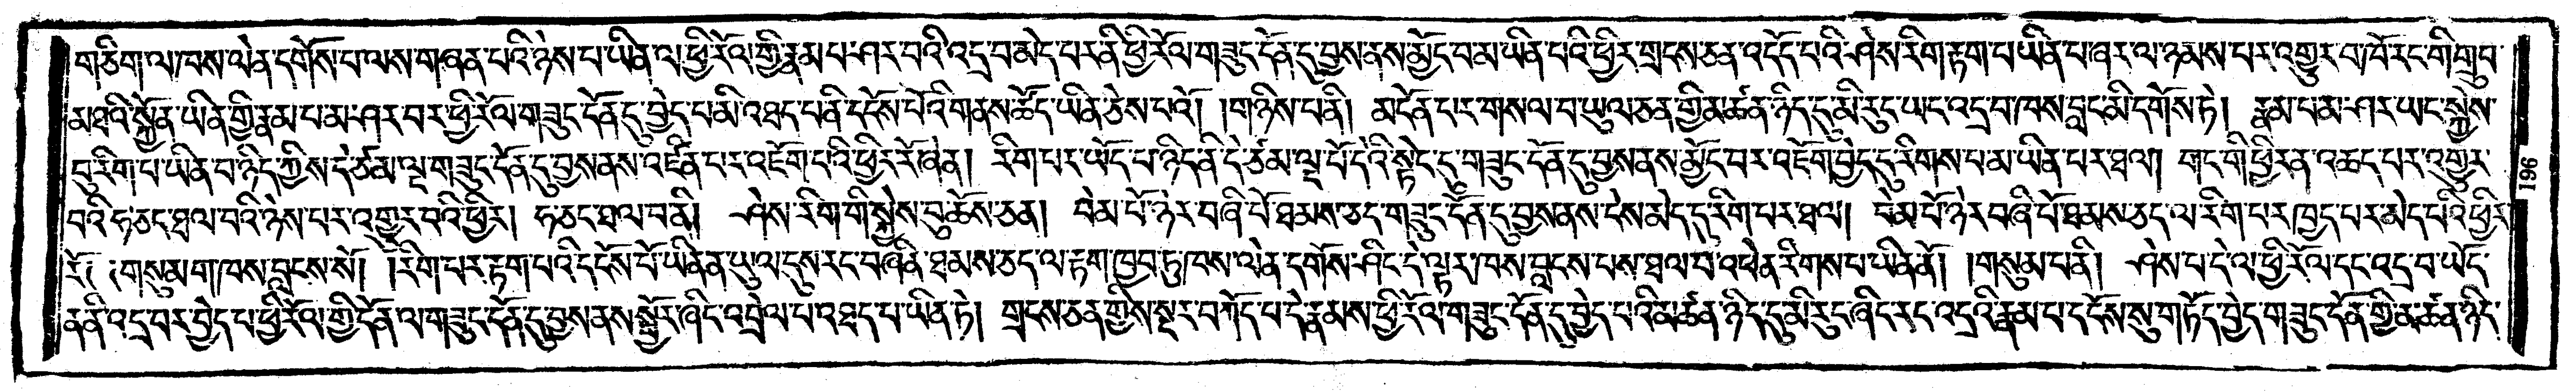གཅིག་ལ་ཁས་ལེན་དགོས་པ་ལས་གཞན་པའི་ཉེས་པ་ཡིན་ལ་ཕྱི་རོལ་གྱི་རྣམ་པ་ཤར་བའི་འདྲ་བ་མེད་པར་ནི་ཕྱི་རོལ་གཟུང་དོན་དུ་བྱས་ནས་མྱོང་བ་མ་ཡིན་པའི་ཕྱིར་གྲངས་ཅན་འདོད་པའི་ཤེས་རིག་རྟག་པ་ཡིན་པ་ཞར་ལ་ཉམས་པར་འགྱུར་བ་ཁོ་རང་གི་གྲུབ་
མཐའི་སྐྱོན་ཡིན་གྱི་རྣམ་པ་མ་ཤར་བར་ཕྱི་རོལ་གཟུང་དོན་དུ་བྱེད་པ་མི་འཐད་པ་ནི་དངོས་པོའི་གནས་ཚོད་ཡིན་ཅེས་པའོ། །གཉིས་པ་ནི། མངོན་པར་གསལ་བ་ཡུལ་ཅན་གྱི་མཚན་ཉིད་དུ་མི་རུང་ཡང་འདྲ་བ་ཁས་བླངས་མི་དགོས་ཏེ། རྣམ་པ་མ་ཤར་ཡང་སྐྱེས་
བུ་རིག་པ་ཡིན་པ་ཉིད་ཀྱིས་དེ་ཙམ་ལྔ་གཟུང་དོན་དུ་བྱས་ནས་འཛིན་པར་འཇོག་པའི་ཕྱིར་རོ་ཞེ་ན། རིག་པར་ཡོད་པ་ཉིད་ནི་དེ་ཙམ་ལྔ་པོ་དེའི་སྟེང་དུ་གཟུང་དོན་དུ་བྱས་ནས་མྱོང་བར་འཇོག་བྱེད་དུ་རིགས་པ་མ་ཡིན་པར་ཐལ། གང་གི་ཕྱིར་ན་འཆད་པར་འགྱུར་
བའི་ཧ་ཅང་ཐལ་བའི་ཉེས་པར་འགྱུར་བའི་ཕྱིར། ཧ་ཅང་ཐལ་བ་ནི། ཤེས་རིག་གི་སྐྱེས་བུ་ཆོས་ཅན། བེམ་པོ་ཉེར་བཞི་པོ་ཐམས་ཅད་གཟུང་དོན་དུ་བྱས་ནས་ངེས་མེད་དུ་རིག་པར་ཐལ། བེམ་པོ་ཉེར་བཞི་པོ་ཐམས་ཅད་ལ་རིག་པར་ཁྱད་པར་མེད་པའི་ཕྱིར་
རོ། །གསུམ་ག་ཁས་བླངས་སོ། །རིག་པར་རྟག་པའི་དངོས་པོ་ཡིན་ན་ཡུལ་དུས་རང་བཞིན་ཐམས་ཅད་ལ་རྟག་ཁྱབ་ཏུ་ཁས་ལེན་དགོས་ཤིང་དེ་ལྟར་ཁས་བླངས་པས་ཐལ་བ་འཕེན་རིགས་པ་ཡིན་ནོ། །གསུམ་པ་ནི། ཤེས་པ་དེ་ལ་ཕྱི་རོལ་དང་འདྲ་བ་ཡོད་
ན་ནི་འདྲ་བར་བྱེད་པ་ཕྱི་རོལ་གྱི་དོན་ལ་གཟུང་དོན་དུ་བྱས་ནས་སྦྱོར་ཞིང་འབྲེལ་པ་འཐད་པ་ཡིན་ཏེ། གྲངས་ཅན་གྱིས་སྔར་བཀོད་པ་དེ་རྣམས་ཕྱི་རོལ་གཟུང་དོན་དུ་བྱེད་པའི་མཚན་ཉིད་དུ་མི་རུང་ཞིང་རང་འདྲའི་རྣམ་པ་དངོས་སུ་གཏོད་བྱེད་གཟུང་དོན་གྱི་མཚན་ཉིད་